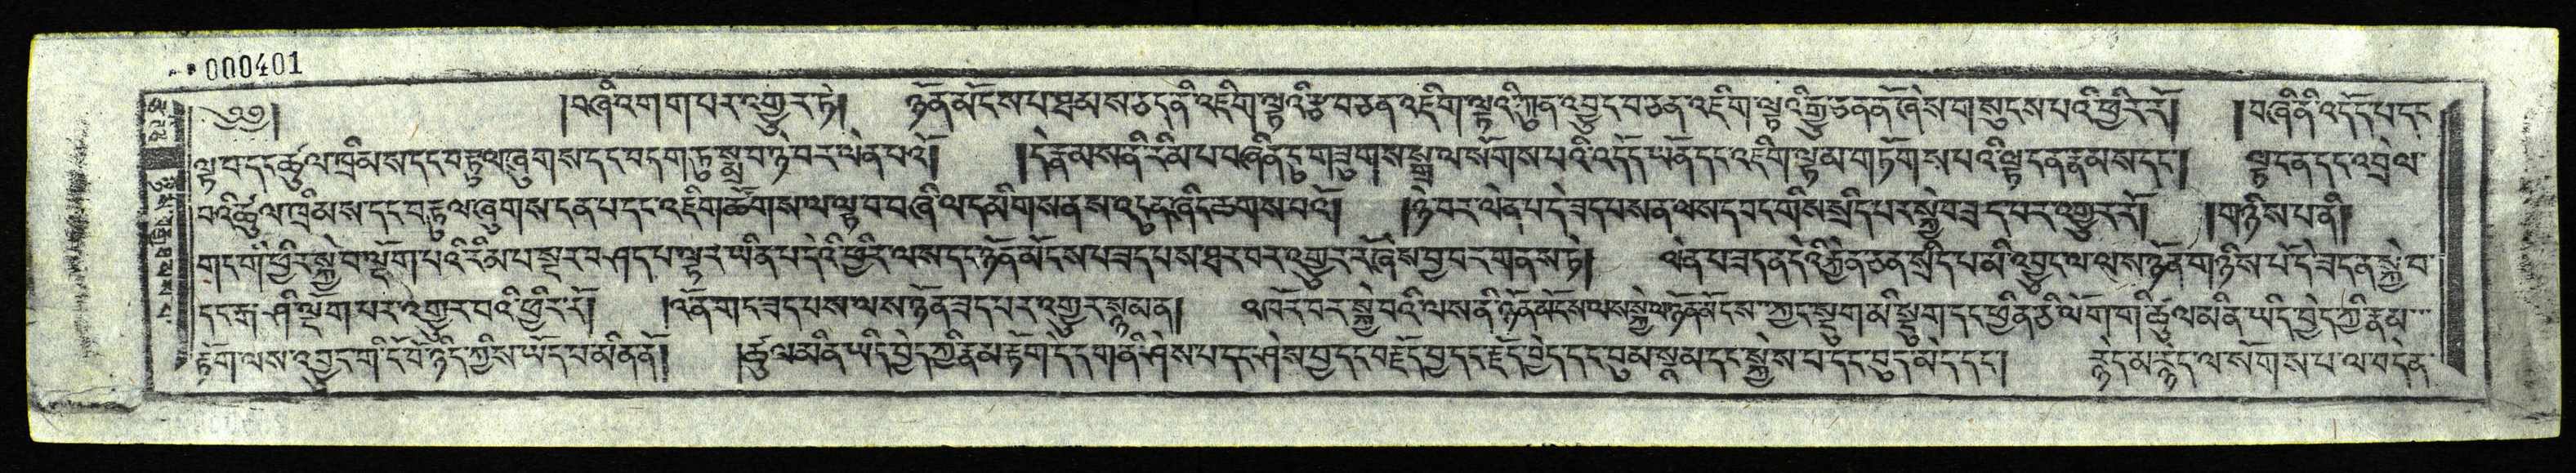༄༅། །བཞི་འགག་པར་འགྱུར་ཏེ། ཉོན་མོངས་པ་ཐམས་ཅད་ནི་འཇིག་ལྟའི་རྩ་བ་ཅན་འཇིག་ལྟའི་ཀུན་འབྱུང་བ་ཅན་འཇིག་ལྟའི་རྒྱུ་ཅན་ནོ་ཞེས་གསུངས་པའི་ཕྱིར་རོ། །བཞི་ནི་འདོད་པ་དང་
ལྟ་བ་དང་ཚུལ་ཁྲིམས་དང་བརྟུལ་ཞུགས་དང་བདག་ཏུ་སྨྲ་བ་ཉེ་བར་ལེན་པའོ། །དེ་རྣམས་ནི་རིམ་པ་བཞིན་དུ་གཟུགས་སྒྲ་ལ་སོགས་པའི་འདོད་ཡོན་དང་འཇིག་ལྟ་མ་གཏོགས་པའི་ལྟ་ངན་རྣམས་དང་། ལྟ་ངན་དང་འབྲེལ་
བའི་ཚུལ་ཁྲིམས་དང་བརྟུལ་ཞུགས་ངན་པ་དང་འཇིག་ཚོགས་ལ་ལྟ་བ་བཞི་ལ་དམིགས་ནས་འདུན་ཞིང་ཆགས་པའོ། །ཉེ་བར་ལེན་པ་དེ་ཟད་པས་ན་ལས་དབང་གིས་སྲིད་པར་སྐྱེ་བ་ཟད་པར་འགྱུར་རོ། །གཉིས་པ་ནི།
གང་གི་ཕྱིར་སྐྱེ་བ་ལྡོག་པའི་རིམ་པ་སྔར་བཤད་པ་ལྟར་ཡིན་པ་དེའི་ཕྱིར་ལས་དང་ཉོན་མོངས་པ་ཟད་པ་ཐར་བར་འགྱུར་རོ་ཞེས་བྱ་བར་གནས་ཏེ། ལེན་པ་ཟད་ན་དེའི་རྐྱེན་ཅན་སྲིད་པ་མི་འབྱུང་ལ་ལས་ཉོན་གཉིས་པོ་དེ་ཟད་ན་སྐྱེ་བ་
དང་རྒ་ཤི་ལྡོག་པར་འགྱུར་བའི་ཕྱིར་རོ། །འོན་གང་ཟད་པས་ལས་ཉོན་ཟད་པར་འགྱུར་སྙམ་ན། འཁོར་བར་སྐྱེ་བའི་ལས་ནི་ཉོན་མོངས་ལས་སྐྱེ་ལ་ཉོན་མོངས་ཀྱང་སྡུག་མི་སྡུག་དང་ཕྱིན་ཅི་ལོག་གི་ཚུལ་མིན་ཡིད་བྱེད་ཀྱི་རྣམ་
རྟོག་ལས་འབྱུང་གི་ངོ་བོ་ཉིད་ཀྱིས་ཡོད་པ་མིན་ནོ། །ཚུལ་མིན་ཡིད་བྱེད་ཀྱི་རྣམ་རྟོག་དེ་དག་ནི་ཤེས་པ་དང་ཤེས་བྱ་དང་བརྗོད་བྱ་དང་རྗོད་བྱེད་དང་བུམ་སྣམ་དང་སྐྱེས་པ་དང་བུད་མེད་དང་། རྙེད་མ་རྙེད་ལ་སོགས་པ་ལ་བདེན་